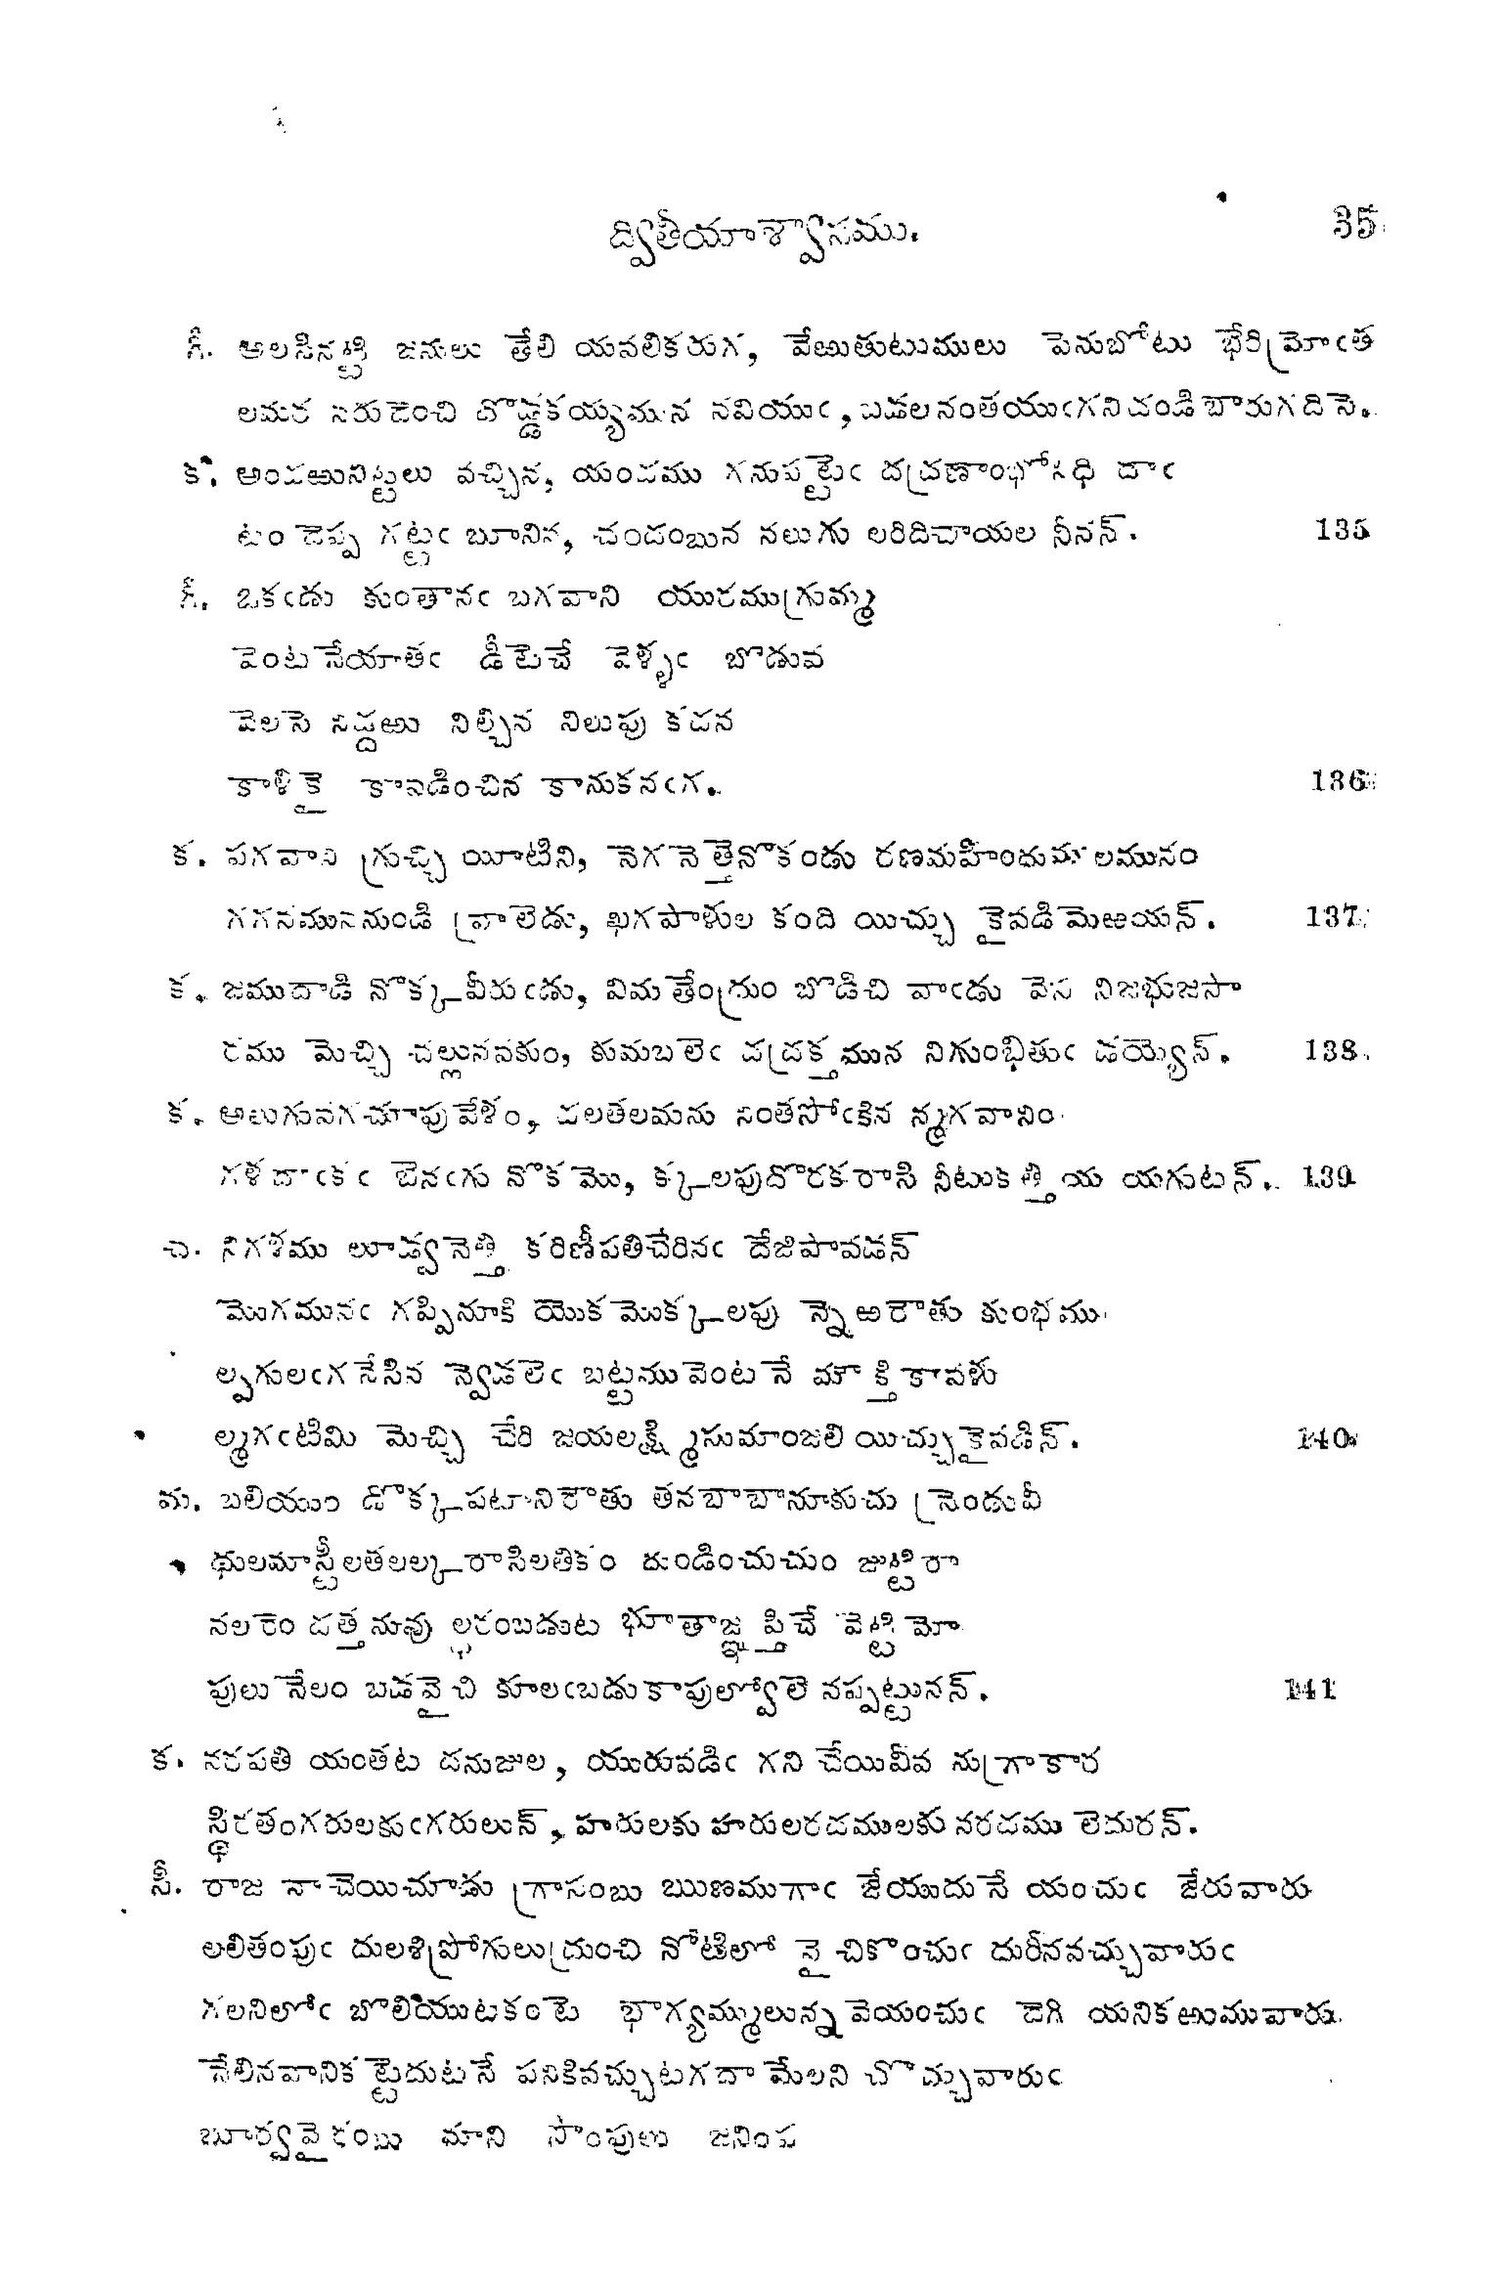గీ. అలసినట్టి జనులు తేలి యవలి కరుగ, వేఱుతుటుములు పెనుబోటు భేరి మ్రోఁత
లమర నరుదెంచి దొడ్డకయ్యమున నవియుఁ, బడలనంతయుఁ గని దండి బారుగదిసె.
క. అందఱు నిట్టలు వచ్చిన, యందము గనుపట్టెఁ దద్రణాంభోనిధి దాఁ
టం దెప్ప గట్టఁబూనిన, చండంబున నలుగు లరిదిచాయల నీనన్.
గీ. ఒకఁడు కుంతానఁ బగవాని యుగము గ్రుమ్మ, వెంటనే యాతఁ డీటెచే వెళ్ళఁబొడువ
వెలసె నిద్దఱు నిల్చిన నిలుపు కచన, కాళికై కావడించిన కాను కనఁగ.
క. పగవాని గ్రుచ్చి యీటిని, నెగనెత్తె నొకండు రణమహిందుములమునం
గగనమున నుండి వ్రాలెడు, ఖగపాళుల కంది యిచ్చు కైవడి మెఱయన్.
క. జముదాడి నొక్కవీరుఁడు, విమతేంద్రుం బొడిచి వాఁడు వెస నిజభుజసా
రాము మెచ్చి చల్లుననకుం, కుమబలెఁ దద్రక్తమున నిగుంభితుఁ డయ్యెన్.
క. అలుగునగ చూపువేళం, దలతలమను నింతసోఁకిన న్మగవానిం
గళదాఁకఁ బెనఁగు నొకమొ, క్కలపు దొరకరాసి నీటుకత్తియ యగుటన్.
చ. గళము లూడ్వనెత్త కరిణీపతి చేరినఁ దేజిపావడన్
మొగమునఁ గప్పినూకి యొకమొక్కలపు న్నెఱరౌతు కుంభము
ల్పగులఁగ నేసిన న్వెడలెఁ బట్టము వెంటనె మౌక్తికావళు
ల్మగఁటిమి మెచ్చి చేరి జయలక్ష్మి సుమాంజలి యిచ్చుకైవడిన్.
మ. బలియుం డొక్కపటానిరౌతు తనబాబానూకుచు న్రెండువీ
థులమాస్టీలత లల్కరాసిలతికం దుండించుచుం జుట్టిరా
నలరెం దత్తనువు ల్ధరంబడుట భూతాజ్ఞప్తిచే వెట్టిమో
పులు నేలం బడవైచి కూలఁబడు కాపుల్వోలె నప్పట్టునన్.
క. నరపతి యంతట దనుజుల, యురువడిఁ గని చేయివీవ నుగ్రాకార
స్థిరతం గరులకుఁ గరులున్, హరులకు హరు లరదములకు లరదము లెదురన్.
సీ. రాజ నాచెయి చూడు గ్రాసంబు ఋణముగాఁ జేయుదునే యంచుఁ జేరువారు
లలితంపుఁ దులశిప్రోగులు ద్రుంచి నోటిలో వైచికొంచుఁ దురీన వచ్చువారుఁ
గలనిలోఁ బొలియుటకంటె భాగ్యమ్ము లున్నవే యంచుఁ దెగి యనికఱుమువారు
నేలినవానికట్టెదుటనే పనికివచ్చుటగదా మేలని చొచ్చువారుఁ
బూర్వవైరంబు మాని సొంపులు జనింప